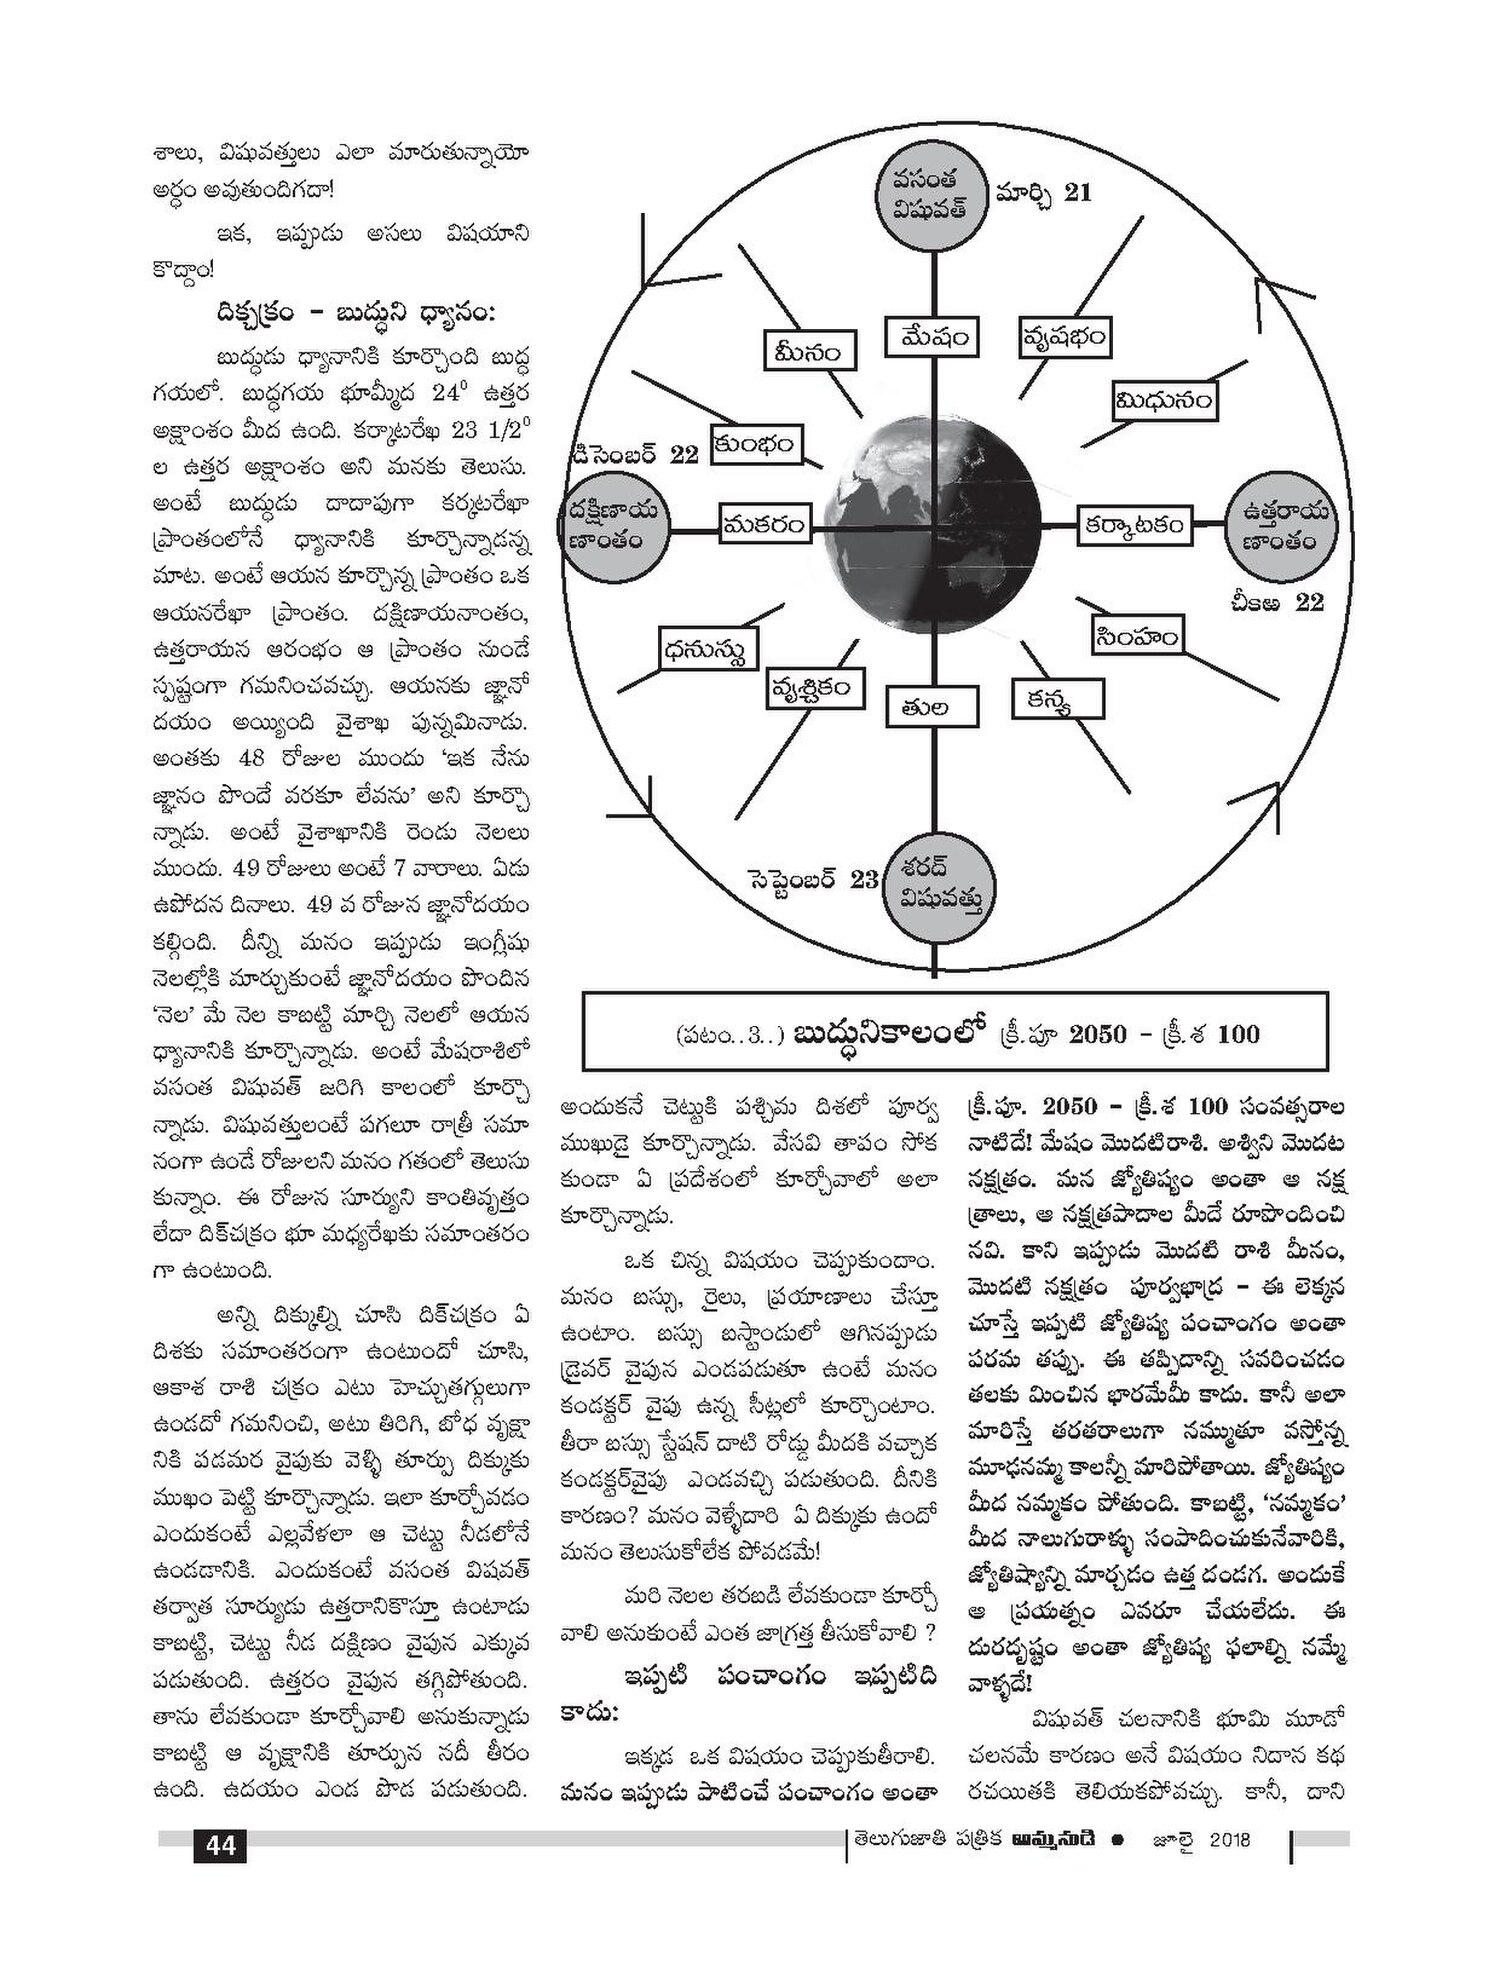శాలు, విషువత్తులు ఎలా మారుతున్నాయో అర్ధం అవుతుందిగదా!

ఇక, ఇప్పుడు అసలు విషయాని కొద్దాం!

దిక్చక్రం - బుద్ధుని ధ్యానం:

బుద్ధుడు ధ్యానానికి కూర్చొంది బుద్ధ గయలో. బుద్ధగయ భూమ్మీద 240 ఉత్తర
అక్షాంశం మీద ఉంది. కర్కాటరేఖ 23 1/20 ల ఉత్తర అక్షాంశం అని మనకు తెలుసు.
అంటే. బుద్దుడు దాదాపుగా కర్మటరేఖా ప్రాంతంలోనే ధ్యానానికి కూర్చొన్నాడన్న మాట. అంటే ఆయన కూర్చొన్న ప్రాంతం ఒక ఆయనరేఖా ప్రాంతం. దక్షిణాయనాంతం, ఉత్తరాయన ఆరంభం ఆ ప్రాంతం నుండే స్పష్టంగా గమనించవచ్చు. ఆయనకు జ్ఞానోదయం అయ్యింది. వైశాఖ పున్నమినాడు. అంతకు 48 రోజుల ముందు 'ఇక నేను జ్ఞానం పొందే వరకూ లేవను' అని కూర్చొన్నాడు. అంటే వైశాఖానికి రెండు నెలలు ముందు. 49 రోజులు అంటే 7 వారాలు. ఏడు ఉపోదన దినాలు. 49 వ రోజున జ్ఞానోదయం కల్గింది. దీన్ని మనం ఇప్పుడు ఇంగ్లీషు నెలల్లోకి మార్చుకుంటే జ్ఞానోదయం పొందిన 'నెల' మే నెల కాబట్టి మార్చి నెలలో ఆయన ధ్యానానికి కూర్చొన్నాడు. అంటే మేషరాశిలో వసంత విషువత్‌ జరిగి కాలంలో కూర్చొన్నాడు. విషువత్తులంటే పగలూ రాత్రీ సమానంగా ఉండే రోజులని మనం గతంలో తెలుసుకున్నాం. ఈ రోజున సూర్యుని కాంతివృత్తం లేదా దిక్‌చక్రం భూ మధ్యరేఖకు సమాంతరం గా ఉంటుంది.

అన్ని దిక్కుల్ని చూసి దిక్‌చక్రం ఏ దిశకు సమాంతరంగా ఉంటుందో చూసి, ఆకాశ రాశి చక్రం ఎటు హెచ్చుతగ్గులుగా ఉండదో గమనించి, అటు తిరిగి, బోధ వృక్షానికి పడమర వైపుకు వెళ్ళి తూర్పు దిక్కుకు ముఖం పెట్టి కూర్చొన్నాడు. ఇలా కూర్చోవడం ఎందుకంటే ఎల్లవేళలా ఆ చెట్టు నీడలోనే
ఉండడానికి. ఎందుకంటే వసంత విషవత్‌ తర్వాత సూర్యుడు ఉత్తరానికొస్తూ ఉంటాడు కాబట్టి, చెట్టు నీడ దక్షిణం వైపున ఎక్కువ పడుతుంది. ఉత్తరం వైపున తగ్గిపోతుంది. తాను లేవకుండా కూర్చోవాలి అనుకున్నాడు కాబట్టి ఆ వృక్షానికి తూర్పున నదీ తీరం ఉంది. ఉదయం ఎండ పొడ పడుతుంది.
అందుకనే చెట్టుకి పశ్చిమ దిశలో పూర్వ ముఖుడై కూర్చొన్నాడు. వేసవి తాపం సోకకుండా ఏ ప్రదేశంలో కూర్చోవాలో అలా కూర్చొన్నాడు.

ఒక చిన్న విషయం చెప్పుకుందాం. మనం బస్సు, రైలు, ప్రయాణాలు చేస్తూ ఉంటాం. బస్సు బస్టాండులో ఆగినప్పుడు డ్రైవర్‌ వైపున ఎండపడుతూ ఉంటే మనం కండక్టర్‌ వైపు ఉన్న సీట్లలో కూర్చొంటాం. తీరా బస్సు స్టేషన్‌ దాటి రోడ్డు మీదకి వచ్చాక కండక్టర్‌వైపు ఎండవచ్చి పడుతుంది. దీనికి
కారణం? మనం వెళ్ళేదారి ఏ దిక్కుకు ఉందో మనం తెలుసుకోలేక పోవడమే!

మరి నెలల తరబడి లేవకుండా కూర్చో వాలి అనుకుంటే ఎంత జాగ్రత్త తీసుకోవాలి ?

ఇప్పటి పంచాంగం ఇప్పటిది కాదు:

ఇక్కడ ఒక విషయం చెప్పుకుతీరాలి. మనం ఇప్పుడు పాటించే పంచాంగం అంతా క్రీ. పూ. 2050 - క్రీ. శ 100 సంవత్సరాల నాటిదే! మేషం మొదటిరాశి. అశ్విని మొదట నక్షత్రం. మన జ్యోతిష్యం అంతా ఆ నక్షత్రాలు, ఆ నక్షత్రపాదాల మీదే రూపొందించినవి. కాని ఇప్పుడు మొదటి రాశి మీనం, మొదటి నక్షత్రం పూర్వభాద్ర - ఈ లెక్కన చూస్తే ఇవ్పటి జ్యోతిష్య పంచాంగం అంతా పరమ తప్పు. ఈ తప్పిదాన్ని సవరించడం తలకు మించిన భారమేమీ కాదు. కానీ అలా మారిస్తే తరతరాలుగా నమ్ముతూ వస్తోన్న
మూఢనమ్మ కాలన్నీ మారిపోతాయి. జ్యోతిష్యం మీద నమ్మకం పోతుంది. కాబట్టి, 'నమ్మకం' మీద నాలుగురాళ్ళు సంపాదించుకునేవారికి, జ్యోతిష్యాన్ని మార్చడం ఉత్త దండగ. అందుకే
అ ప్రయత్నం ఎవరూ చేయలేదు. ఈ దురదృష్టం అంతా జ్యోతిష్య ఫలాల్ని నమ్మే వాళ్ళదే!

విషువత్‌ చలనానికి భూమి మూడో చలనమే కారణం అనే విషయం నిదాన కథ రచయితకి తెలియకపోవచ్చు. కానీ, దాని